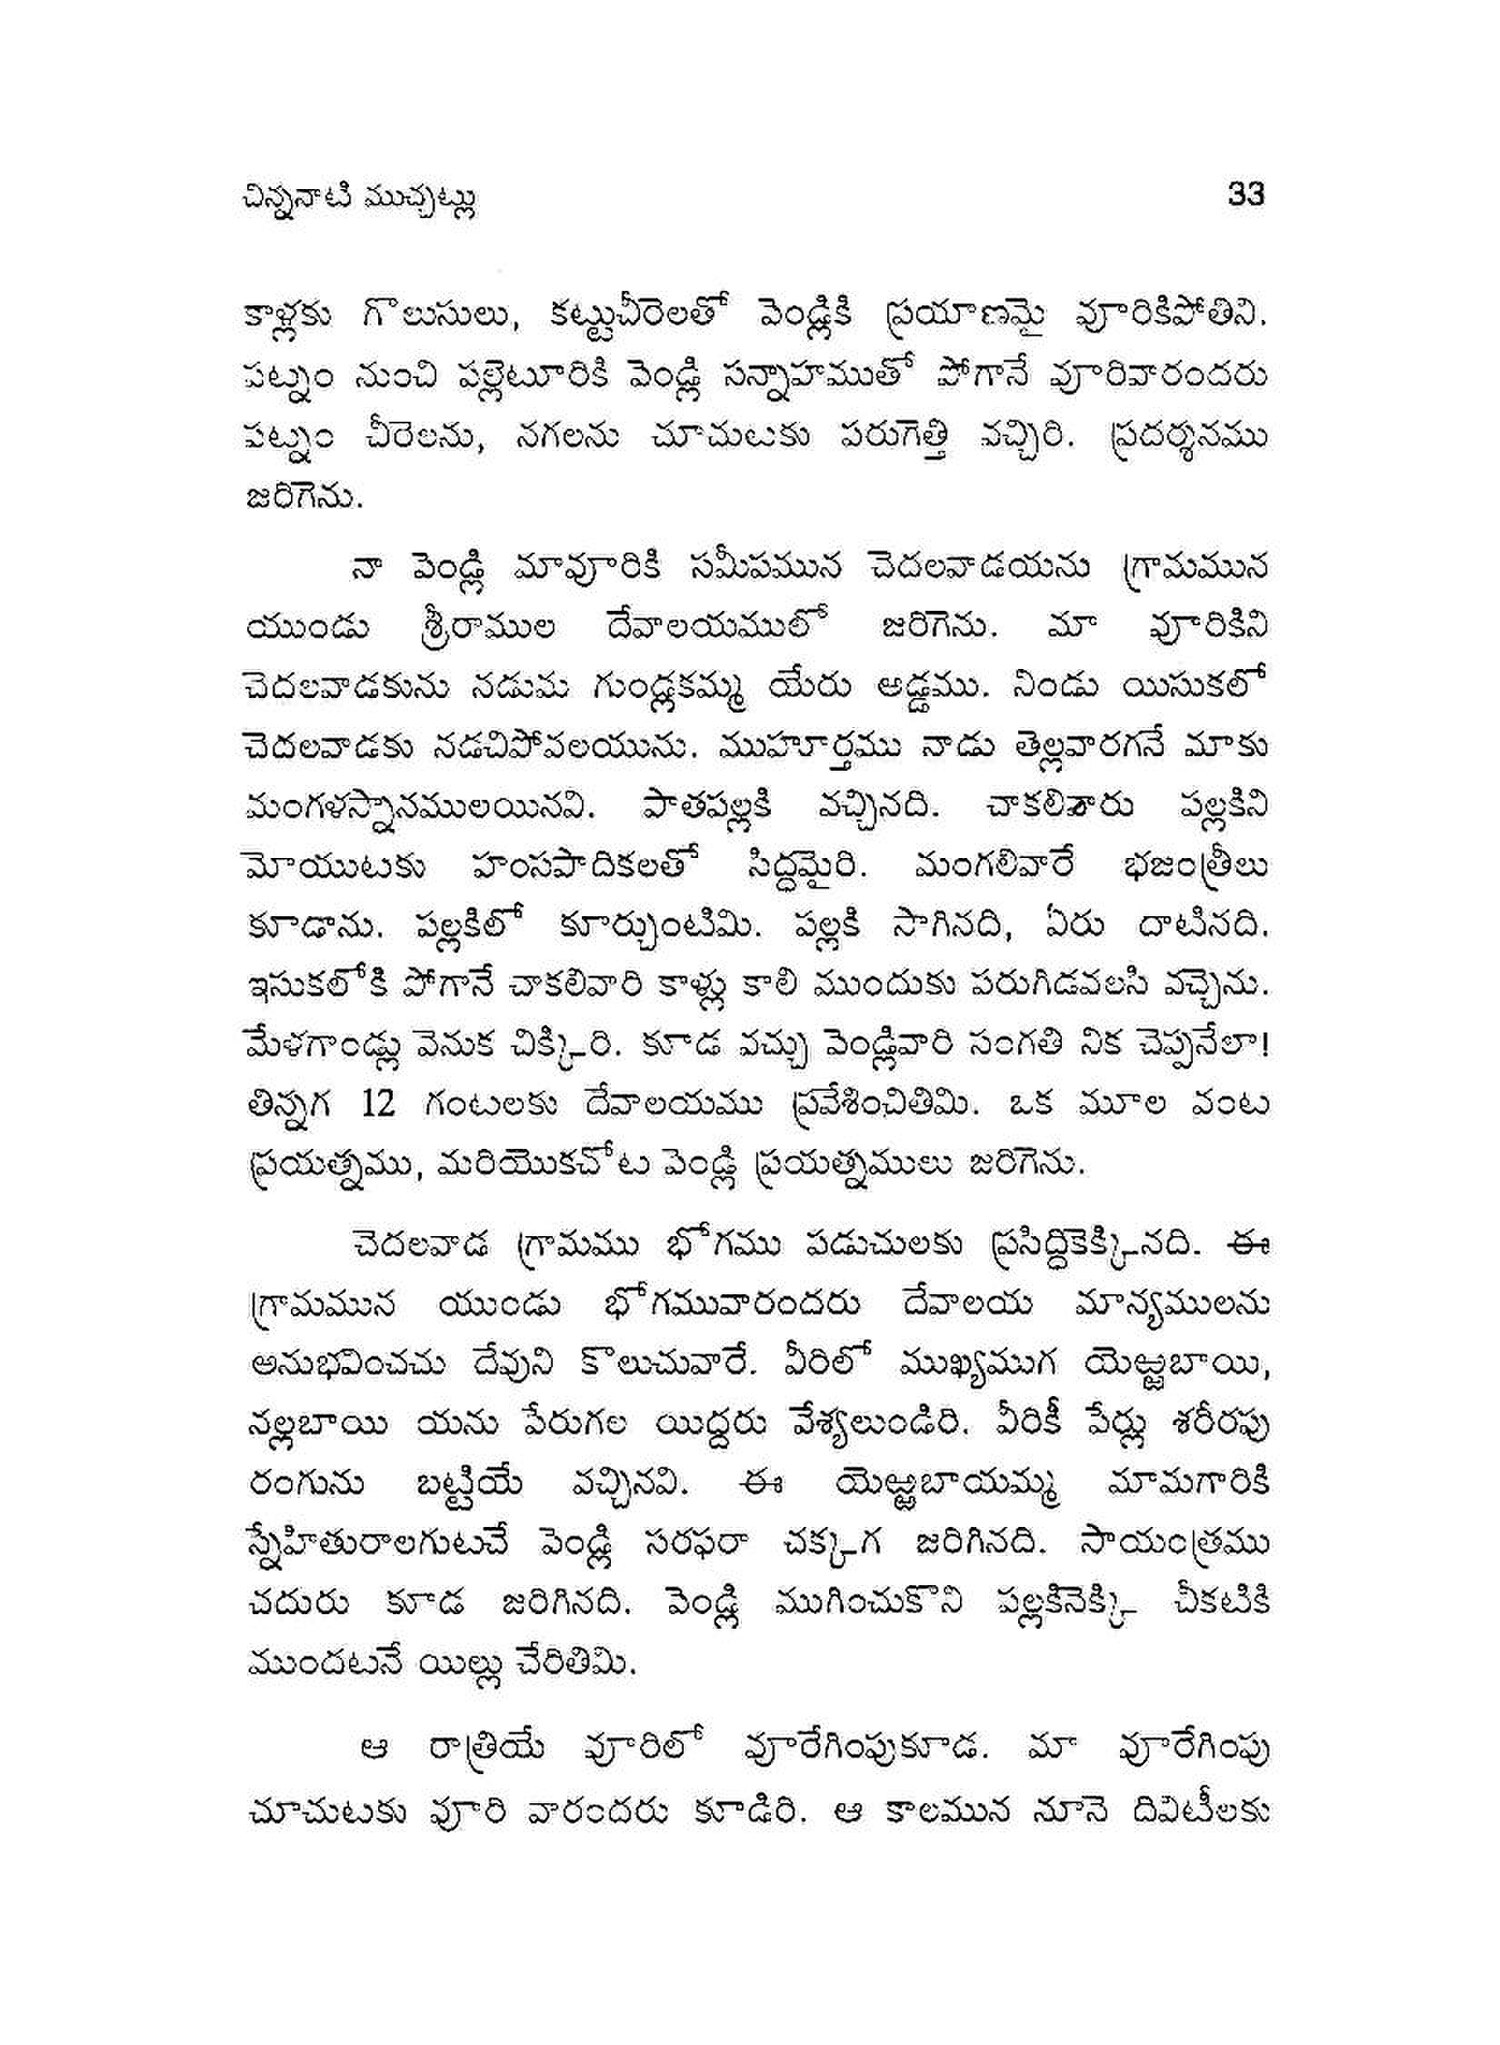కాళ్లకు గొలుసులు, కట్టుచీరెలతో పెండ్లి కి ప్రయాణమై వూరికిపోతిని. పట్నం నుంచి పల్లెటూరికి పెండ్లి సన్నాహముతో పోగానే వూరివారందరు పట్నం చీరెలను, నగలను చూచుటకు పరుగెత్తి వచ్చిరి. ప్రదర్శనము జరిగెను.

నా పెండ్లి మావూరికి సమీపమున చెదలవాడయను గ్రామమున యుండు శ్రీరాముల దేవాలయములో జరిగెను. మా వూరికిని చెదలవాడకును నడుమ గుండ్లకమ్మ యేరు అడ్డము. నిండు యిసుకలో చెదలవాడకు నడచిపోవలయును. ముహూర్తము నాడు తెల్లవారగనే మాకు మంగళస్నానములయినవి. పాతపల్లకి వచ్చినది. చాకలివారు పల్లకిని మోయుటకు హంసపాదికలతో సిద్దమైరి. మంగలివారే భజంత్రీలు కూడాను. పల్లకిలో కూర్చుంటిమి. పల్లకి సాగినది, ఏరు దాటినది. ఇసుకలోకి పోగానే చాకలివారి కాళ్ళు కాలి ముందుకు పరుగిడవలసి వచ్చెను. మేళగాండ్లు వెనుక చిక్కిరి. కూడ వచ్చు పెండ్లివారి సంగతి నిక చెప్పనేలా! తిన్నగ 12 గంటలకు దేవాలయము ప్రవేశించితిమి. ఒక మూల వంట ప్రయత్నము, మరియొకచోటు పెండ్లి ప్రయత్నములు జరిగెను.

చెదలవాడ గ్రామము భోగము పడుచులకు ప్రసిద్ధికెక్కినది. ఈ గ్రామమున యుండు భోగమువారందరు దేవాలయ మాన్యములను అనుభవించుచు దేవుని కొలుచువారే. వీరిలో ముఖ్యముగ యెఱ్ఱబాయి, నల్లబాయి యను పేరుగల యిద్దరు వేశ్యలుండిరి. వీరికీ పేరు శరీరపు రంగును బట్టియే వచ్చినవి. ఈ యెఱ్ఱబాయమ్మ మామగారికి స్నేహితురాలగుటచే పెండ్లి సరఫరా చక్కగ జరిగినది. సాయంత్రము చదురు కూడ జరిగినది. పెండ్లి ముగించుకొని పల్లకినెక్కి చీకటికి ముందటనే యిల్లు చేరితిమి.

ఆ రాత్రియే వూరిలో వూరేగింపు కూడ. మా వూరేగింపు చూచుటకు వూరి వారందరు కూడిరి. ఆ కాలమున నూనె దివిటీలకు